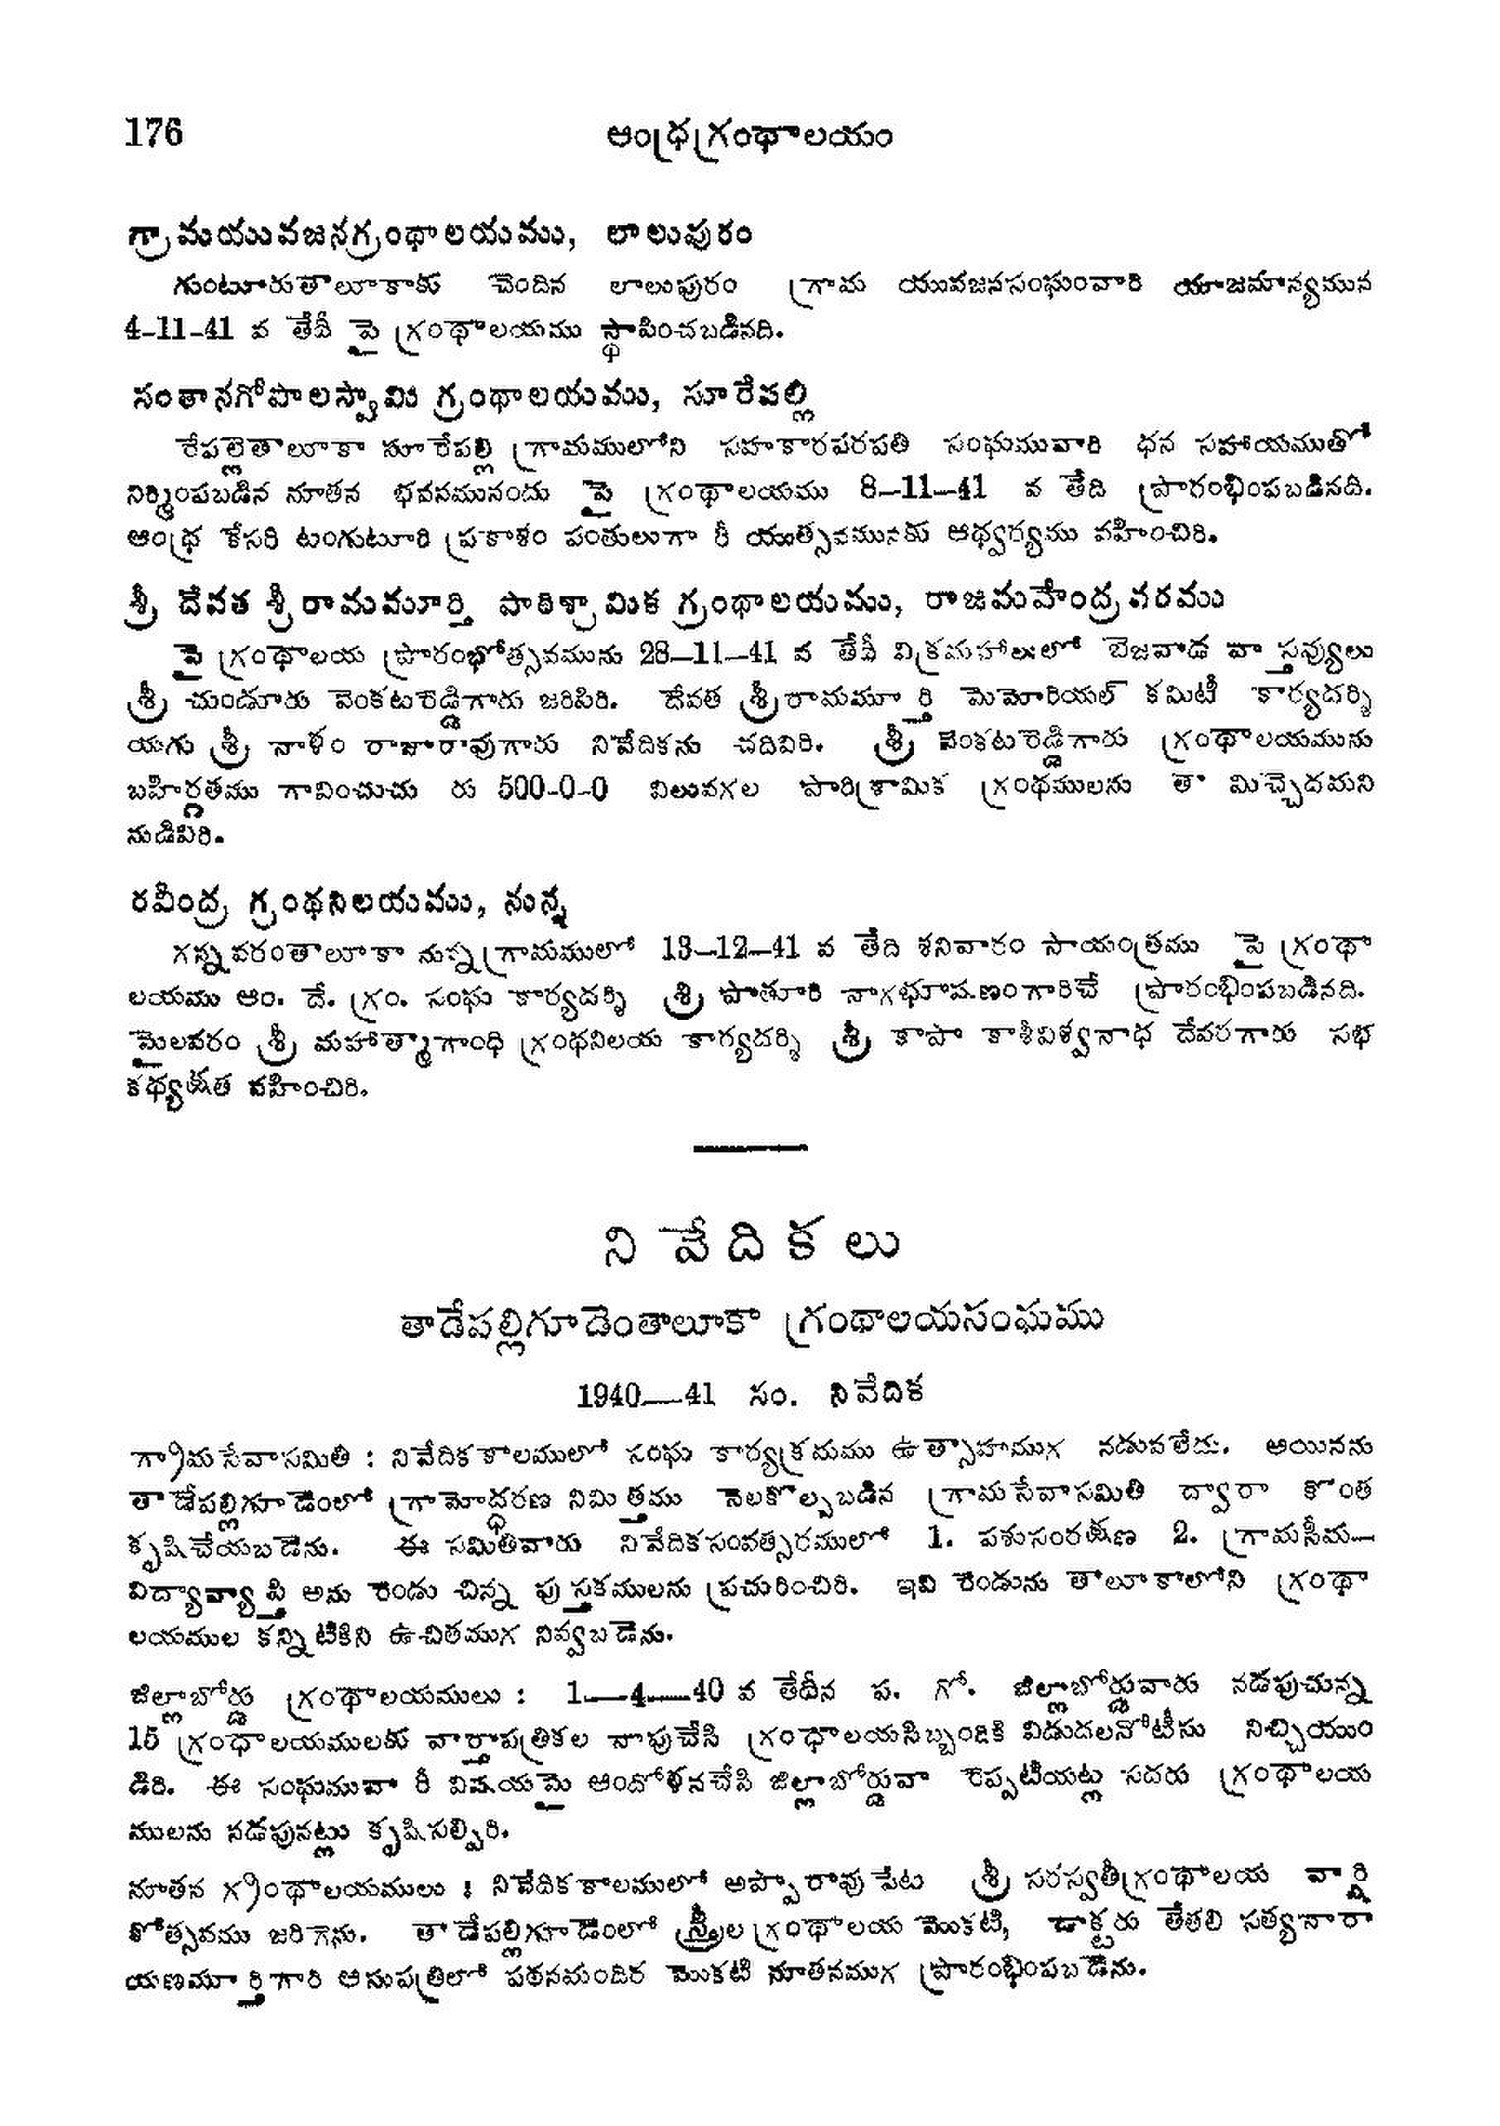గ్రామయువజనగ్రంథాలయము, లాలుపురం

గుంటూరు తాలూకాకు చెందిన లాలుపురం గ్రామ యువజనసంఘంవారి యాజమాన్యమున మా 4-11-41 వ తేదీ 
పై గ్రంథాలయము స్థాపించబడినది.

సంతానగోపాలస్వామి గ్రంథాలయము, సూరేపల్లి

రేపల్లెతాలూకా సూరేపల్లి గ్రామములోని సహకార పరపతి సంఘమువారి ధన సహాయముతో నిర్మింపబడిన నూతన భవనమునందు 
పై గ్రంథాలయము 8-11-11 వ తేది ప్రారంభింపబడినదీ. ఆంధ్ర కేసరి టంగుటూరి ప్రకాశం పంతులుగా కీ యుత్సవమునకు 
ఆధ్వర్యము వహించిరి.

శ్రీ దేవత శ్రీ రామమూర్తి పారిశ్రామిక గ్రంథాలయము, రాజమహేంద్రవరము

పై గ్రంథాలయ ప్రారంభోత్సవమును 28–11--41 వ తేదీ విక్రమహాలులో బెజవాడ వాస్తవ్యులు శ్రీ చుండూరు వెంకటరెడ్డిగారు 
జరిపిరి. దేవత శ్రీరామమూర్తి మెమోరియల్ కమిటీ కార్యదర్శియగు శ్రీ నాళం రాజారావుగారు నివేదికను చదివిరి. 
శ్రీ వెంకటరెడ్డి గారు గ్రంథాలయమును బహిర్గతము గావించుచు * 500-0-0 విలువగల పారిశ్రామిక గ్రంథములను తా మిచ్చెదమని
నుడివిరి.

రవీంద్ర గ్రంథనిలయము, నున్న

గన్నవరంతాలూకా నున్న గ్రామములో 13-12-11 వ తేది శనివారం సాయంత్రము పై గ్రంథాలయము ఆం.దే.గ్రం. 
సంఘ కార్యదర్శి శ్రీ పాతూరి నాగభూషణం గారిచే ప్రారంభింపబడినది. మైలవరం శ్రీ మహాత్మాగాంధి గ్రంథనిలయ 
కార్యదర్శి శ్రీ కాపా కాశీవిశ్వనాధ దేవరగారు సభకు అథ్యక్షత వహించిరి.

 

గ్రామ సేవాసమితి : నివేదిక కాలములో సంఘ కార్యక్రమము ఉత్సాహముగ నడువలేదు. అయినను తాడేపల్లిగూడెంలో 
గ్రామోద్దరణ నిమిత్తము నెలకొల్పబడిన గ్రామసేవాసమితి ద్వారా కొంత కృషిచేయబడెను. ఈ సమితివారు నివేదిక సంవత్సరములో
1. పశుసంరక్షణ 2. గ్రామసీమ-విద్యావ్యాప్తి అను రెండు చిన్న పుస్తకములను ప్రచురించిరి. ఇవి రెండును తాలూకాలోని 
గ్రంథాలయములు కన్నిటికిని ఉచితముగ నివ్వబడెను.

జిల్లా బోర్డు గ్రంథాలయములు : 1_4.40 వ తేదీన ప. గో. జిల్లా బోర్డు వారు నడపుచున్న 15 గ్రంధాలయములకు 
వార్తాపత్రికల నాపుచేసి గ్రంధాలయ సిబ్బందికి విడుదలనోటీసు నిచ్చియుండిరి. ఈ సంఘమువా కీ విషయమై ఆందోళనచేసి 
జిల్లాబోర్డువా రెప్పటియట్ల సదరు గ్రంథాలయములను నడపునట్లు కృషిసల్పిరి.

నూతన గ్రంథాలయములు: నివేదిక కాలములో అప్పారావు పేట శ్రీ సరస్వతీ గ్రంథాలయ వార్షికోత్సవము జరిగెను. 
తాడేపల్లిగూడెంలో స్త్రీల గ్రంథాలయ మొకటి, డాక్టరు తేతలి సత్యనారాపూర్తిగారి ఆసుపత్రిలో పఠనమందిర మొకటి 
నూతనముగ ప్రారంభింపబడెను.